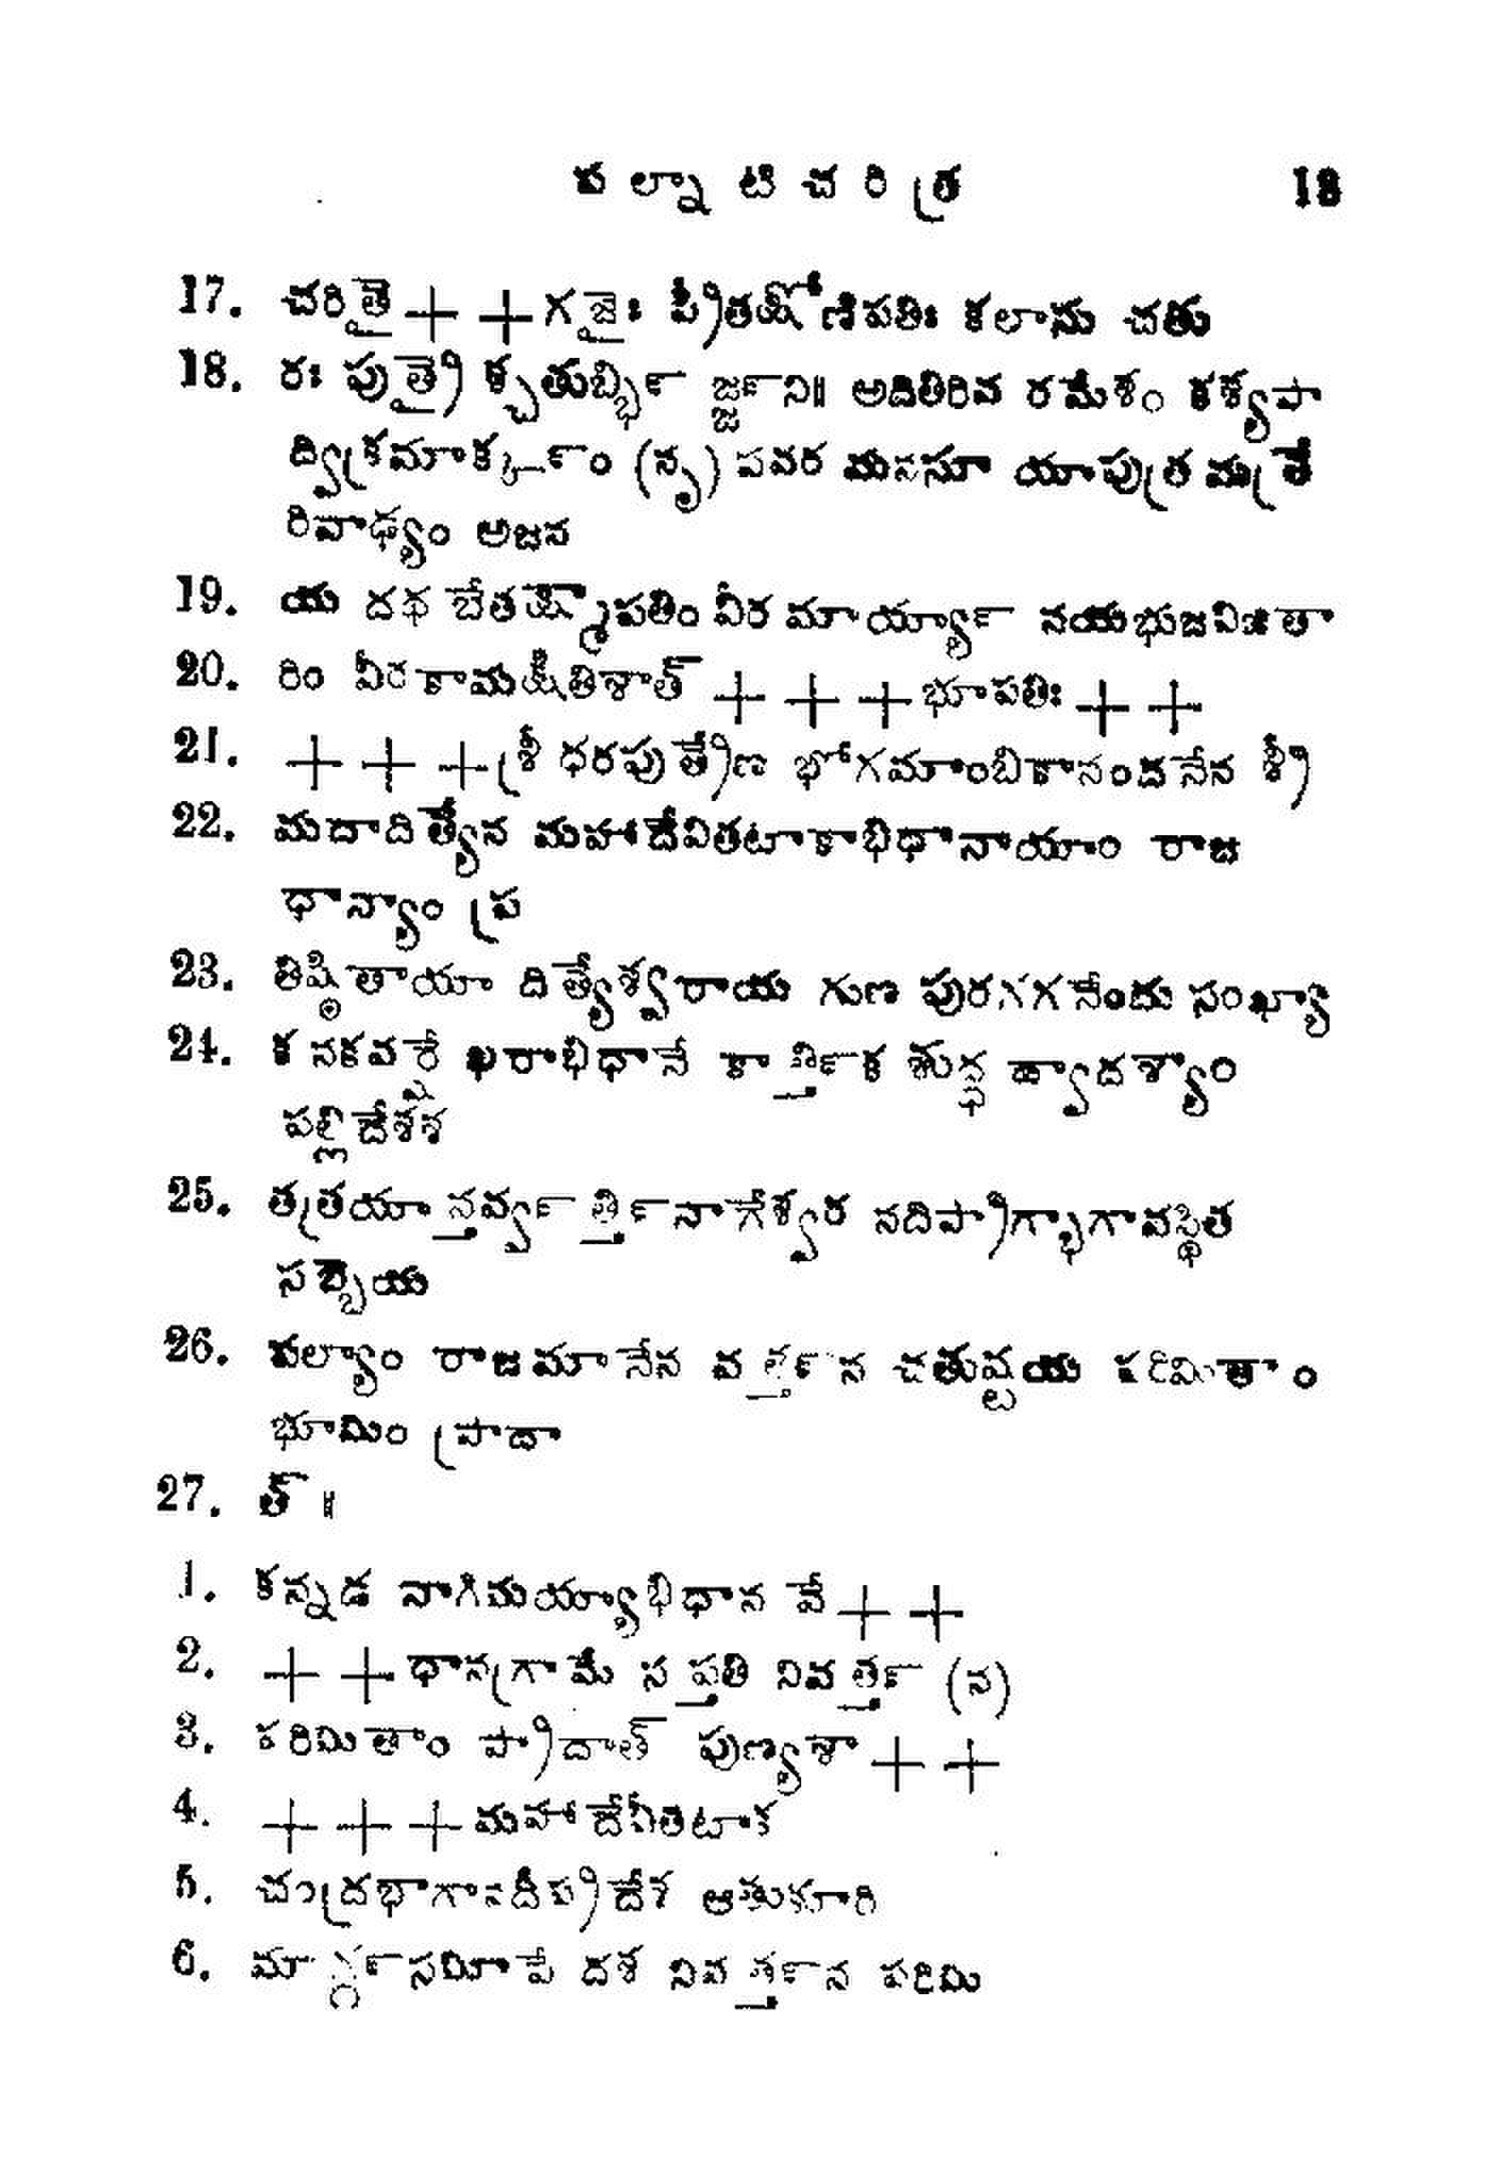17. చరితై+ + గజైః ప్రీతక్షోణిపతిః కలాను చతు

18. రః పుత్రై శ్చతుర్భిర్జ్జనిః అదితిరివ రమేశం కశ్యపా
ద్విక్రమార్కం (నృ) పవర మనసూ యాపుత్ర మాత్రే
రివాఢ్యం అజన

19. య దథబేతక్ష్మాపతిం వీర మార్యాన్ నయభుజవితా

20. రిం వీరకామక్షితిశాత్ + + + భూపతిః ++

21. +++శ్రీ ధరపుత్రేణ భోగమాంబికానందనేన శ్రీ

22, మదాదిత్యేన మహాదేవితటాకాభిధానాయాం రాజ 
ధాన్యాం ప్ర

23. తిష్ఠితాయా దిత్యేశ్వరాయ గుణ పురగగనందు సంఖ్యా

24. కనకవర్షే ఖరాభిధానే కార్తిక శుద్ధ ద్వాదశ్యాం
పల్లిదేశశ

25. తత్రయాన్తర్వర్తిన్ నాగేశ్వర నదిప్రాగ్భాగావస్థిత
సబ్బెయ

26. పల్యాం రాజమానేన వర్తన చతుష్టయ పరిమితాం
భూమిం ప్రాదా

27.త్ 

1. కన్నడ నాగిమయ్యాభిధాన వే++

2. ++ధానగ్రామే సప్తతి నివర్తన్ (న)

3. పరిమితాం ప్రాదాత్ పుణ్యశా+ +
+++మహాదేవీతటాక

5. చంద్రభాగానదీప్రదేశ ఆతుకూరి

6. మార్గ సమీపే దశ నివర్తన పరిమి